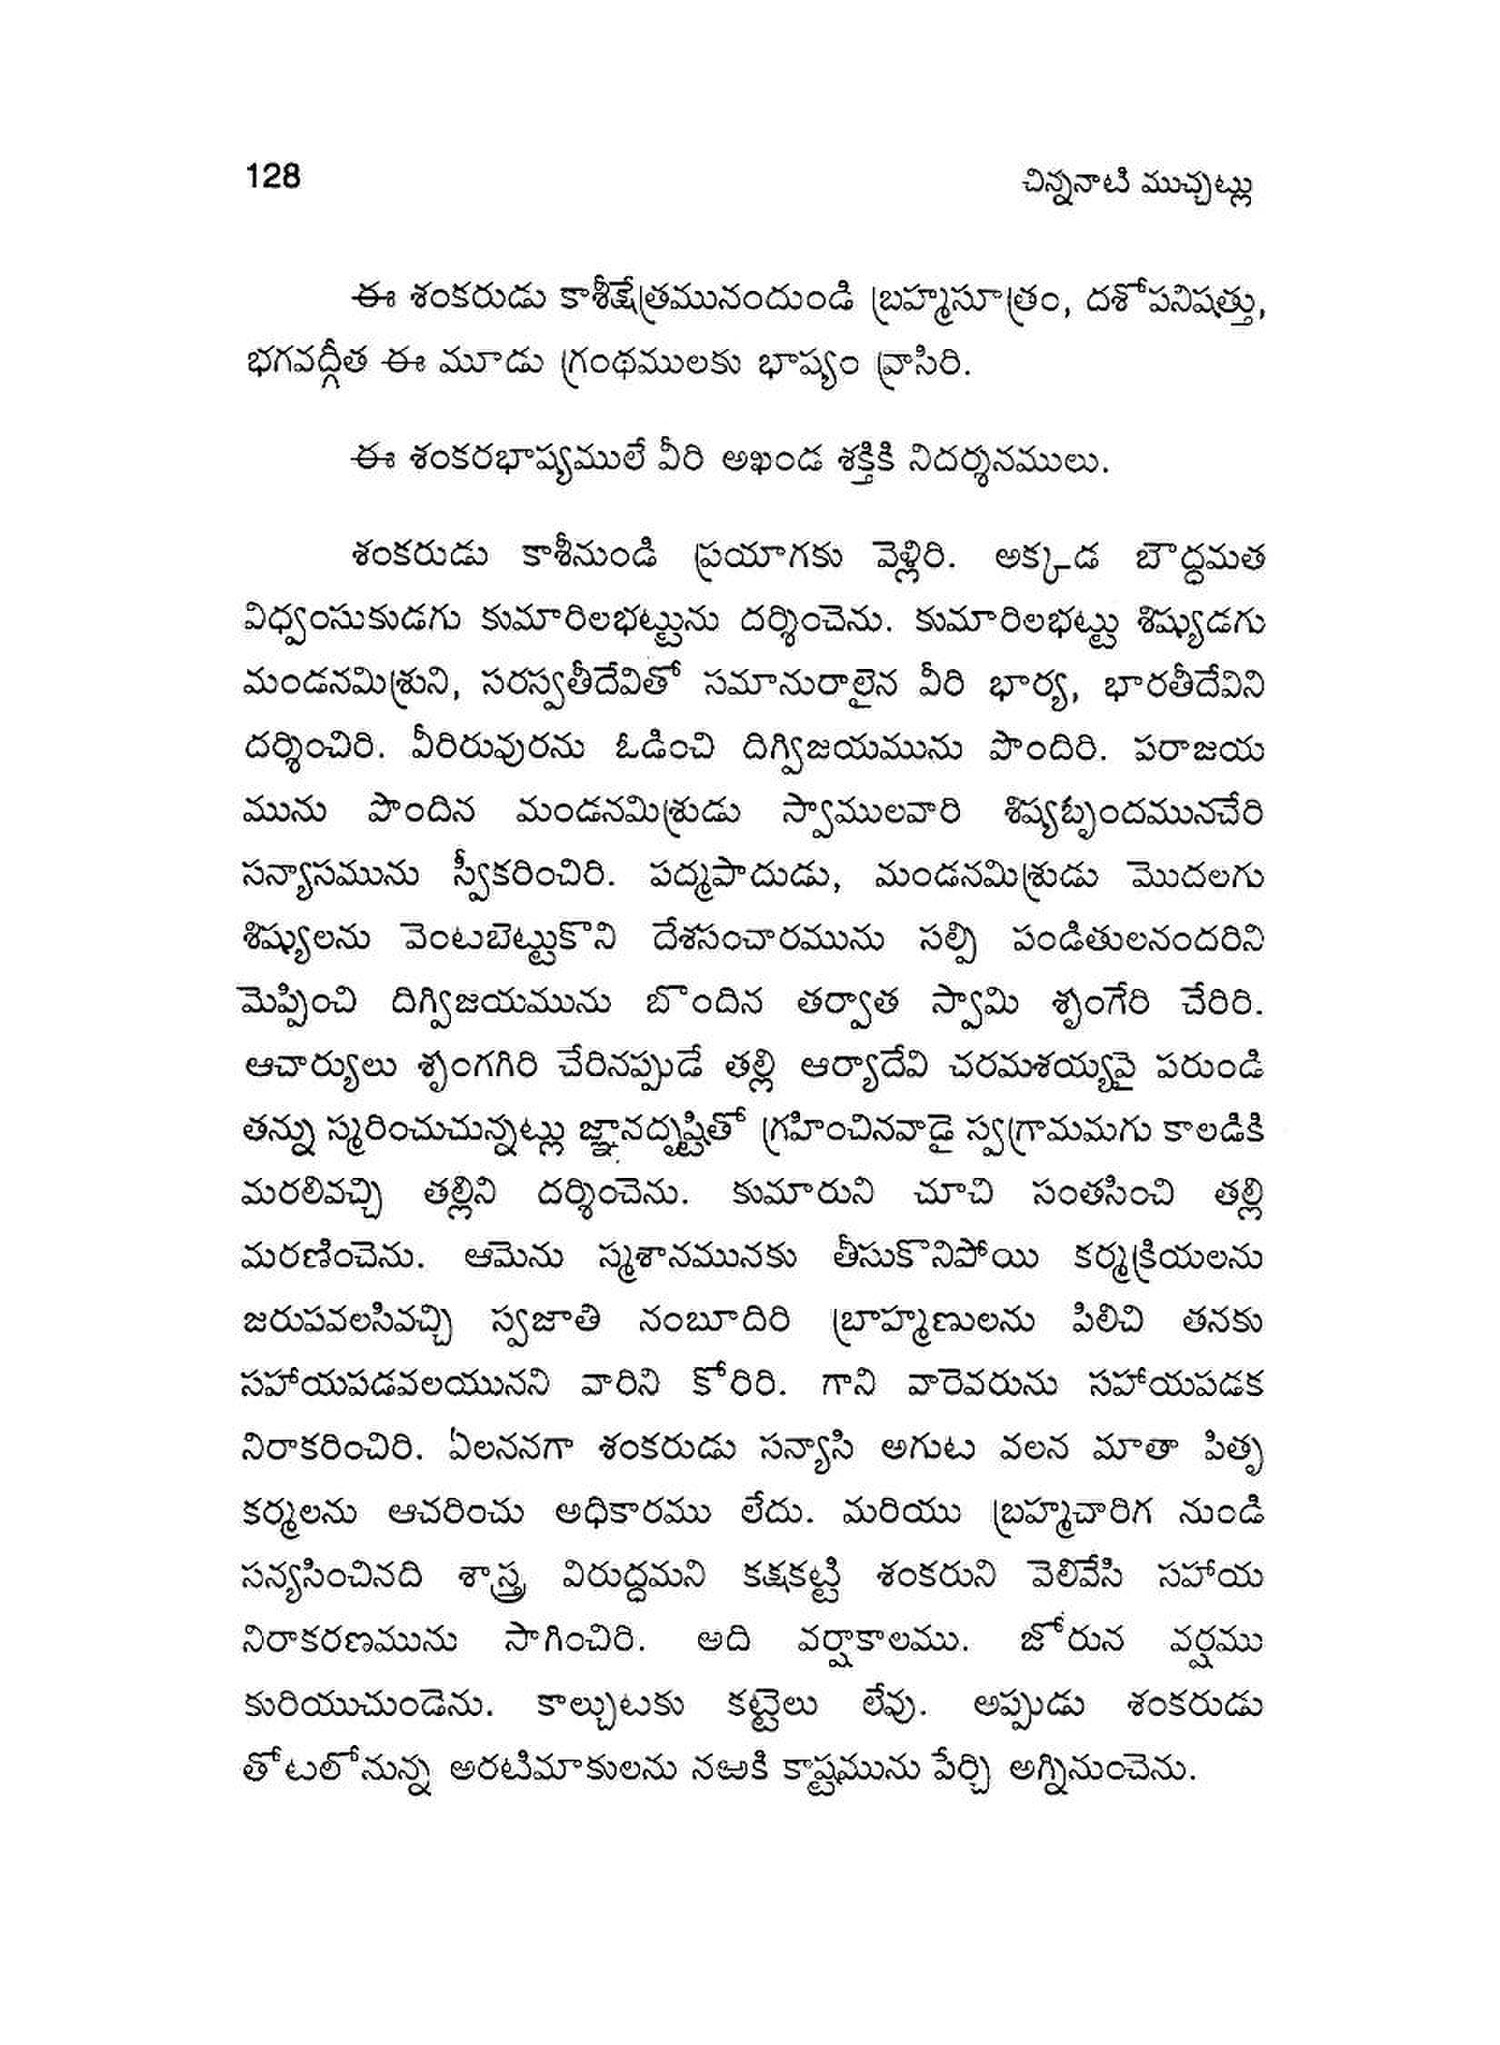ఈ శంకరుడు కాశీక్షేత్రమునందుండి బ్రహ్మసూత్రం, దశోపనిషత్తు, భగవద్గీత ఈ మూడు గ్రంథములకు భాష్యం వ్రాసిరి.

ఈ శంకరభాష్యములే వీరి అఖండ శక్తికి నిదర్శనములు.

శంకరుడు కాశీనుండి ప్రయాగకు వెళ్లిరి. అక్కడ బౌద్ధమత విధ్వంసుకుడగు కుమారిలభట్టును దర్శించెను. కుమారిలభట్టు శిష్యుడగు మండనమిశ్రుని, సరస్వతీదేవితో సమానురాలైన వీరి భార్య, భారతీదేవిని దర్శించిరి. వీరిరువురను ఓడించి దిగ్విజయమును పొందిరి. పరాజయమును పొందిన మండనమిశ్రుడు స్వాములవారి శిష్యబృందమునచేరి సన్యాసమును స్వీకరించిరి. పద్మపాదుడు, మండనమిశ్రుడు మొదలగు శిష్యులను వెంటబెట్టుకొని దేశసంచారమును సల్పి పండితులనందరిని మెప్పించి దిగ్విజయమును బొందిన తర్వాత స్వామి శృంగేరి చేరిరి. ఆచార్యులు శృంగగిరి చేరినప్పడే తల్లి ఆర్యాదేవి చరమశయ్యపై పరుండి తన్ను స్మరించుచున్నట్టు జ్ఞానదృష్టితో గ్రహించినవాడై స్వగ్రామమగు కాలడికి మరలివచ్చి తల్లిని దర్శించెను. కుమారుని చూచి సంతసించి తల్లి మరణించెను. ఆమెను స్మశానమునకు తీసుకొనిపోయి కర్మక్రియలను జరుపవలసివచ్చి స్వజాతి నంబూదిరి బ్రాహ్మణులను పిలిచి తనకు సహాయపడవలయునని వారిని కోరిరి. గాని వారెవరును సహాయపడక నిరాకరించిరి. ఏలననగా శంకరుడు సన్యాసి అగుట వలన మాతా పితృ కర్మలను ఆచరించు అధికారము లేదు. మరియు బ్రహ్మచారిగ నుండి సన్యసించినది శాస్త్ర విరుద్దమని కక్ష కట్టి శంకరుని వెలివేసి సహాయ నిరాకరణమును సాగించిరి. అది వర్షాకాలము. జోరున వర్ధము కురియుచుండెను. కాల్చుటకు కట్టెలు లేవు. అప్పడు శంకరుడు తోటలోనున్న అరటిమాకులను నఱకి కాష్టమును పేర్చి అగ్నినుంచెను.